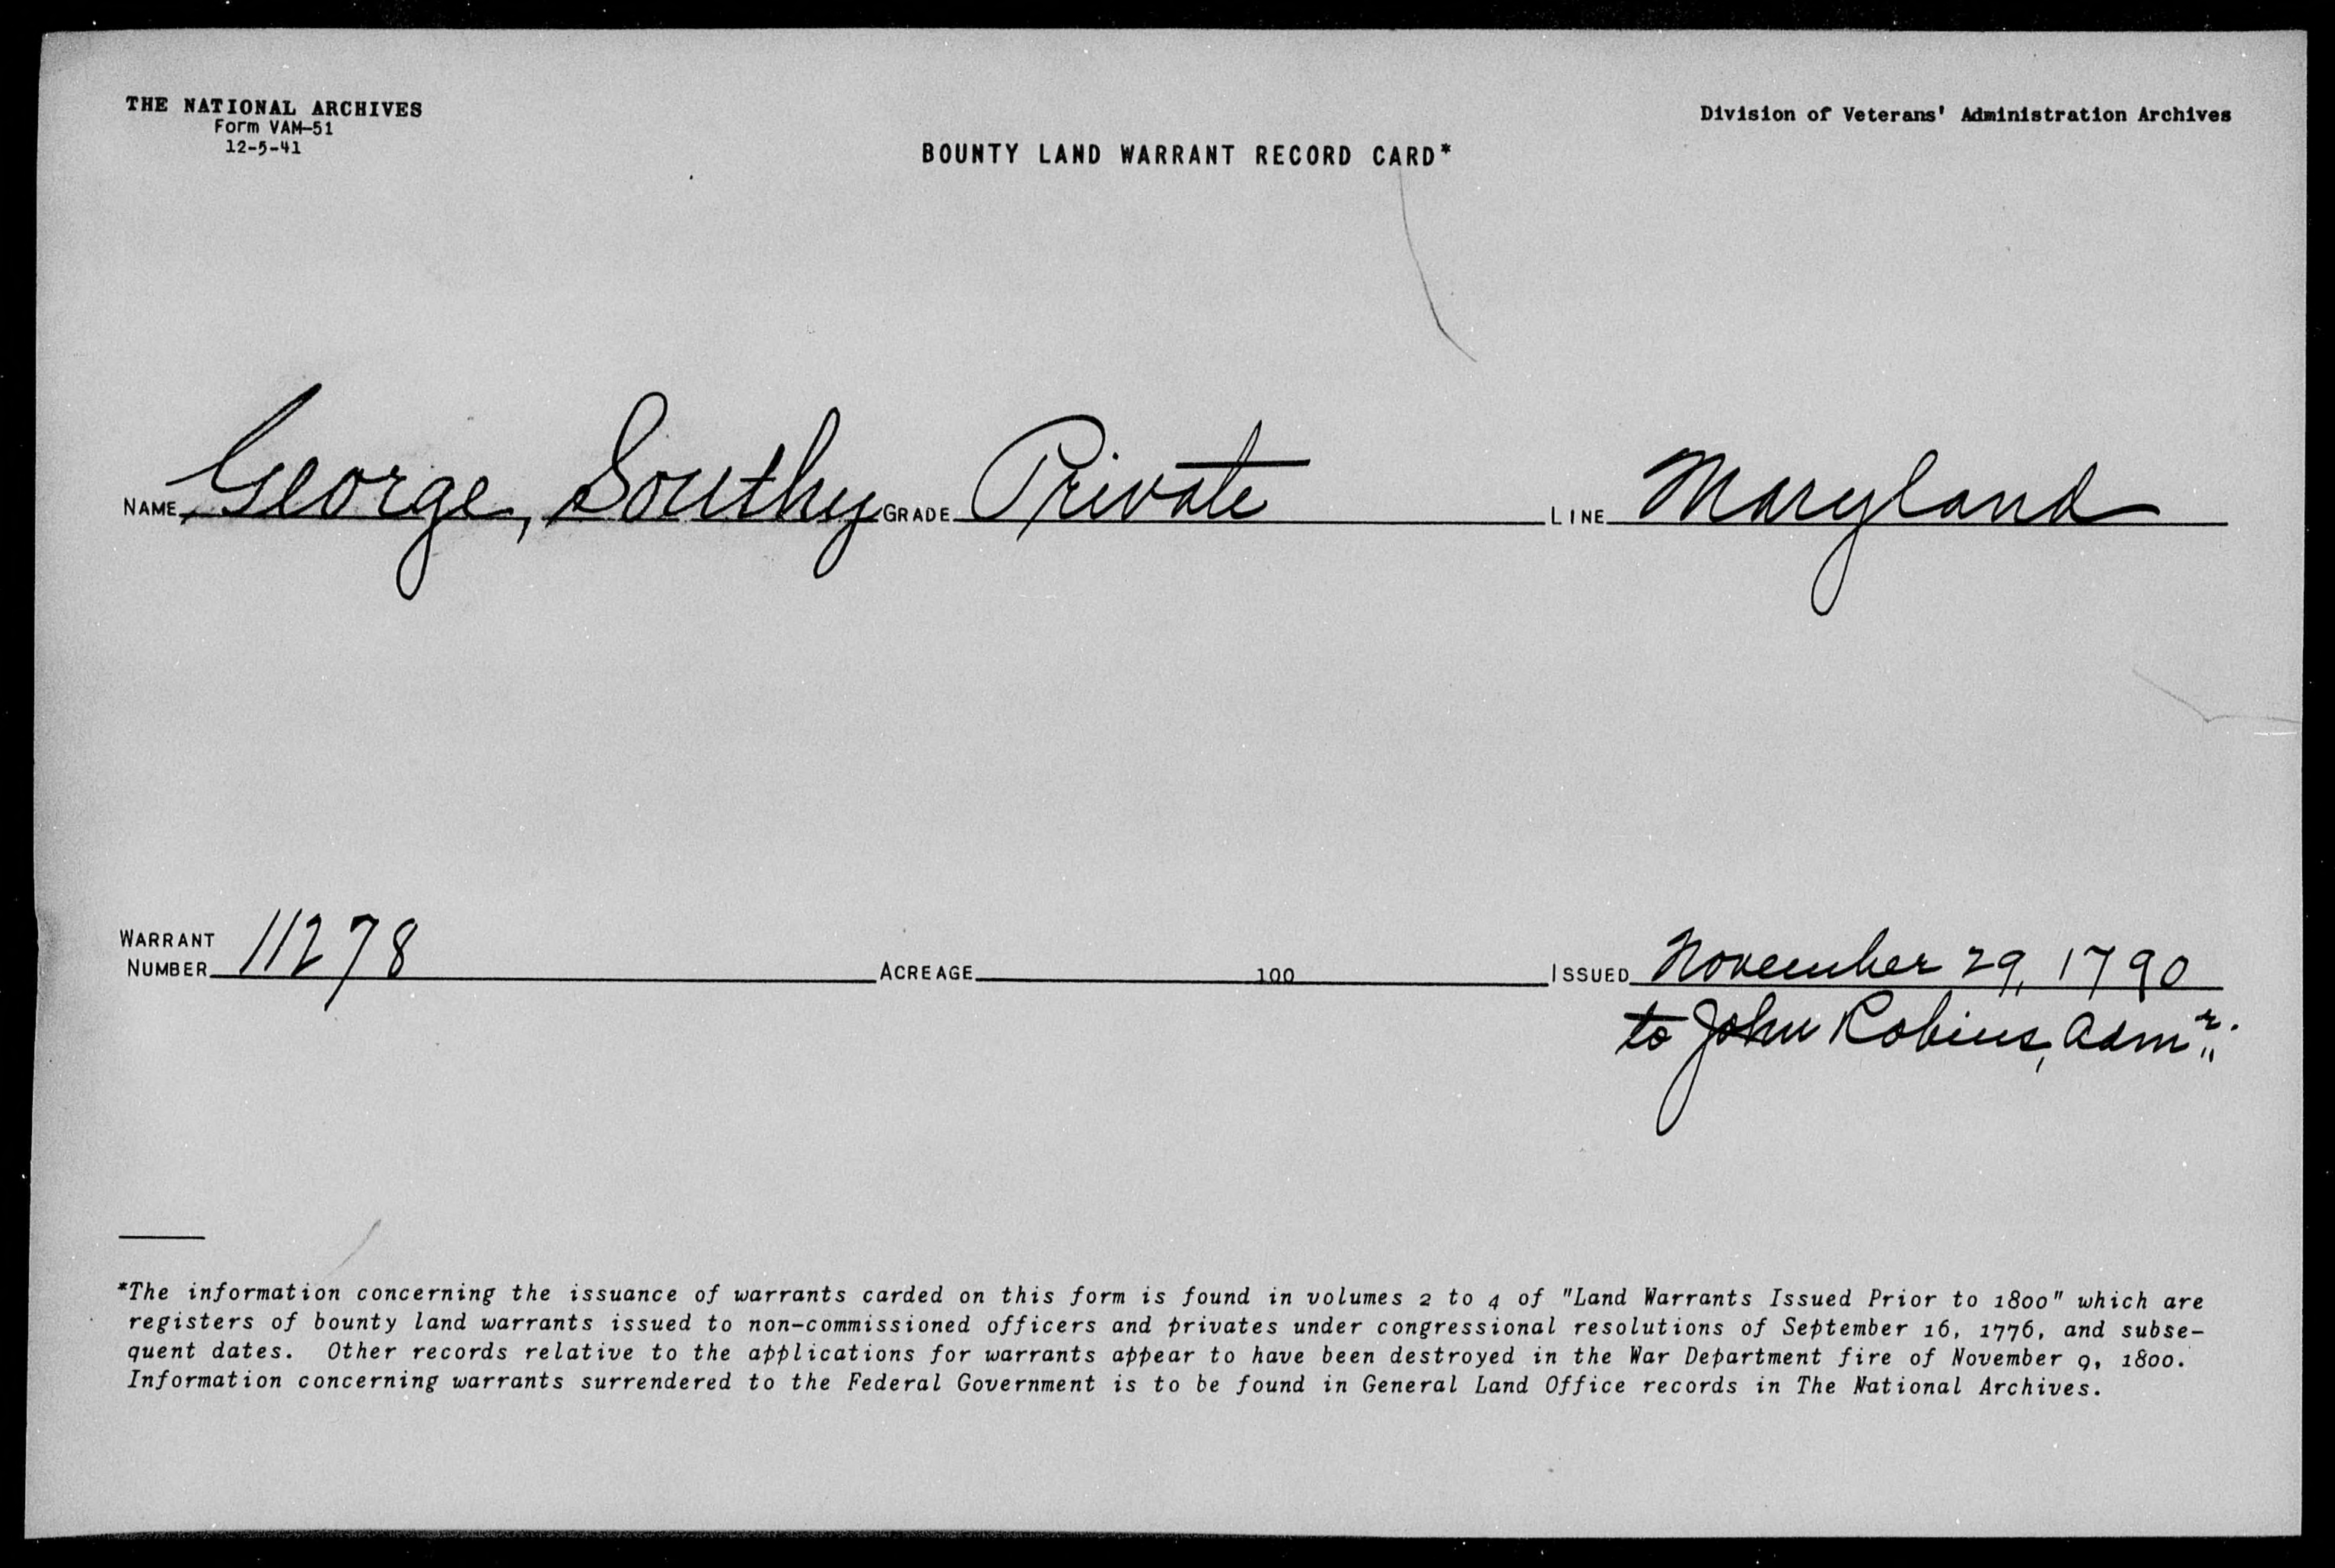THE NATIONAL ARCHIVES
Form VAM-51
12-5-41

BOUNTY LAND WARRANT RECORD CARD*

Division of Veterans' Administration Archives

NAME George, Southy GRADE Private LINE Maryland

WARRANT NUMBER 11278
ACREAGE 100
ISSUED November 29, 1790
to John Robins, Adm

*The information concerning the issuance of warrants carded on this form is found in volumes 2 to 4 of ""Land Warrants Issued Prior to 1800"" which are registers of bounty land warrants issued to non-commissioned officers and privates under congressional resolutions of September 16, 1776, and subsequent
dates. Other records relative to the applications for warrants appear to have been destroyed in the War Department fire of November 9, 1800. Information concerning warrants surrendered to the Federal Government is to be found in General Land Office records in The National Archives.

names: Southy George, John Robins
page: 19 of 19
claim: survivor's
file: S. 15140, Samuel George, N.H.